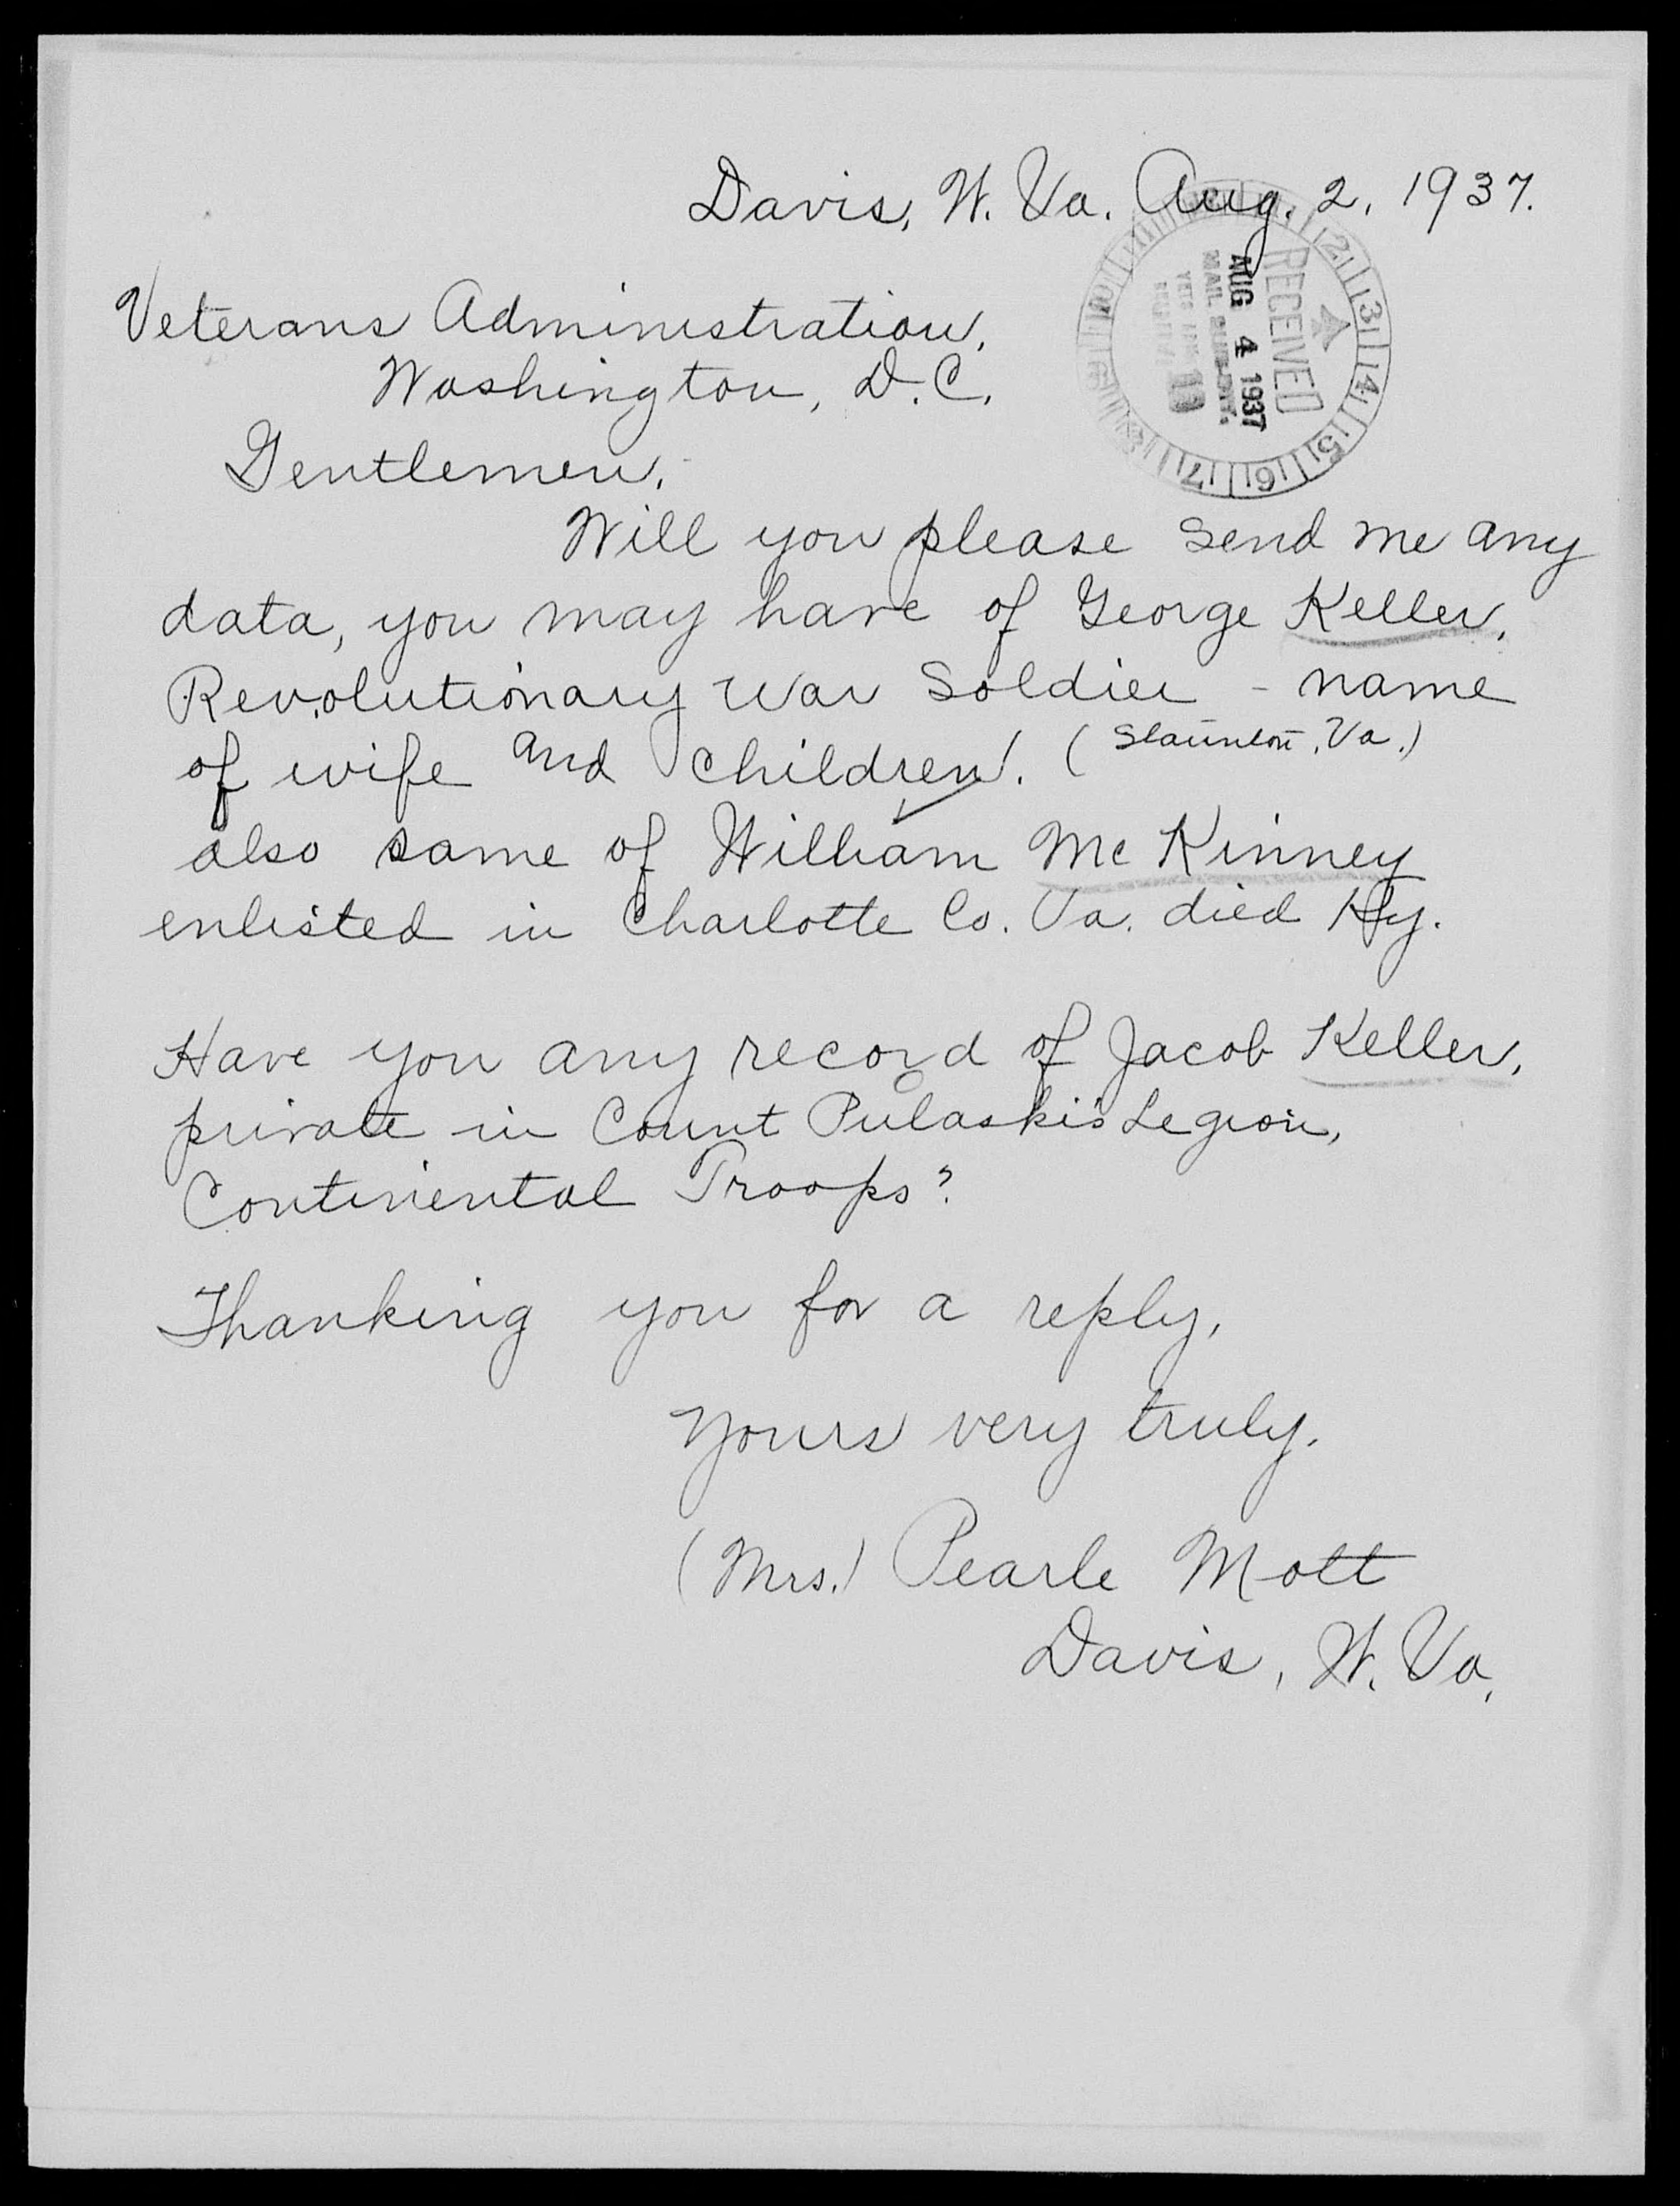Davis, W.Va. Aug. 2, 1937

Veterans Administration,
Washington, D.C. [stamped RECEIVED Aug 4 1937]

Gentlemen,
Will you please send me any data, you may have of George Keller [underlined], Revolutionary War Soldier name of wife and children. (Slaintem, Va.)
also same of William McKinney [underlined] enlisted in Charlotte Co. Va. died Ky.

Have you any record of Jacob Keller [underlined], private in Count Pulaski's Legion, Continental Troops?

Thanking you for a reply, 
Yours very truly, 
(Mrs.) Pearle Mott
Davis, W.Va.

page: 17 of 28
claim: survivor's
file: S. 16,470, for William Mc Kinney, Georgia